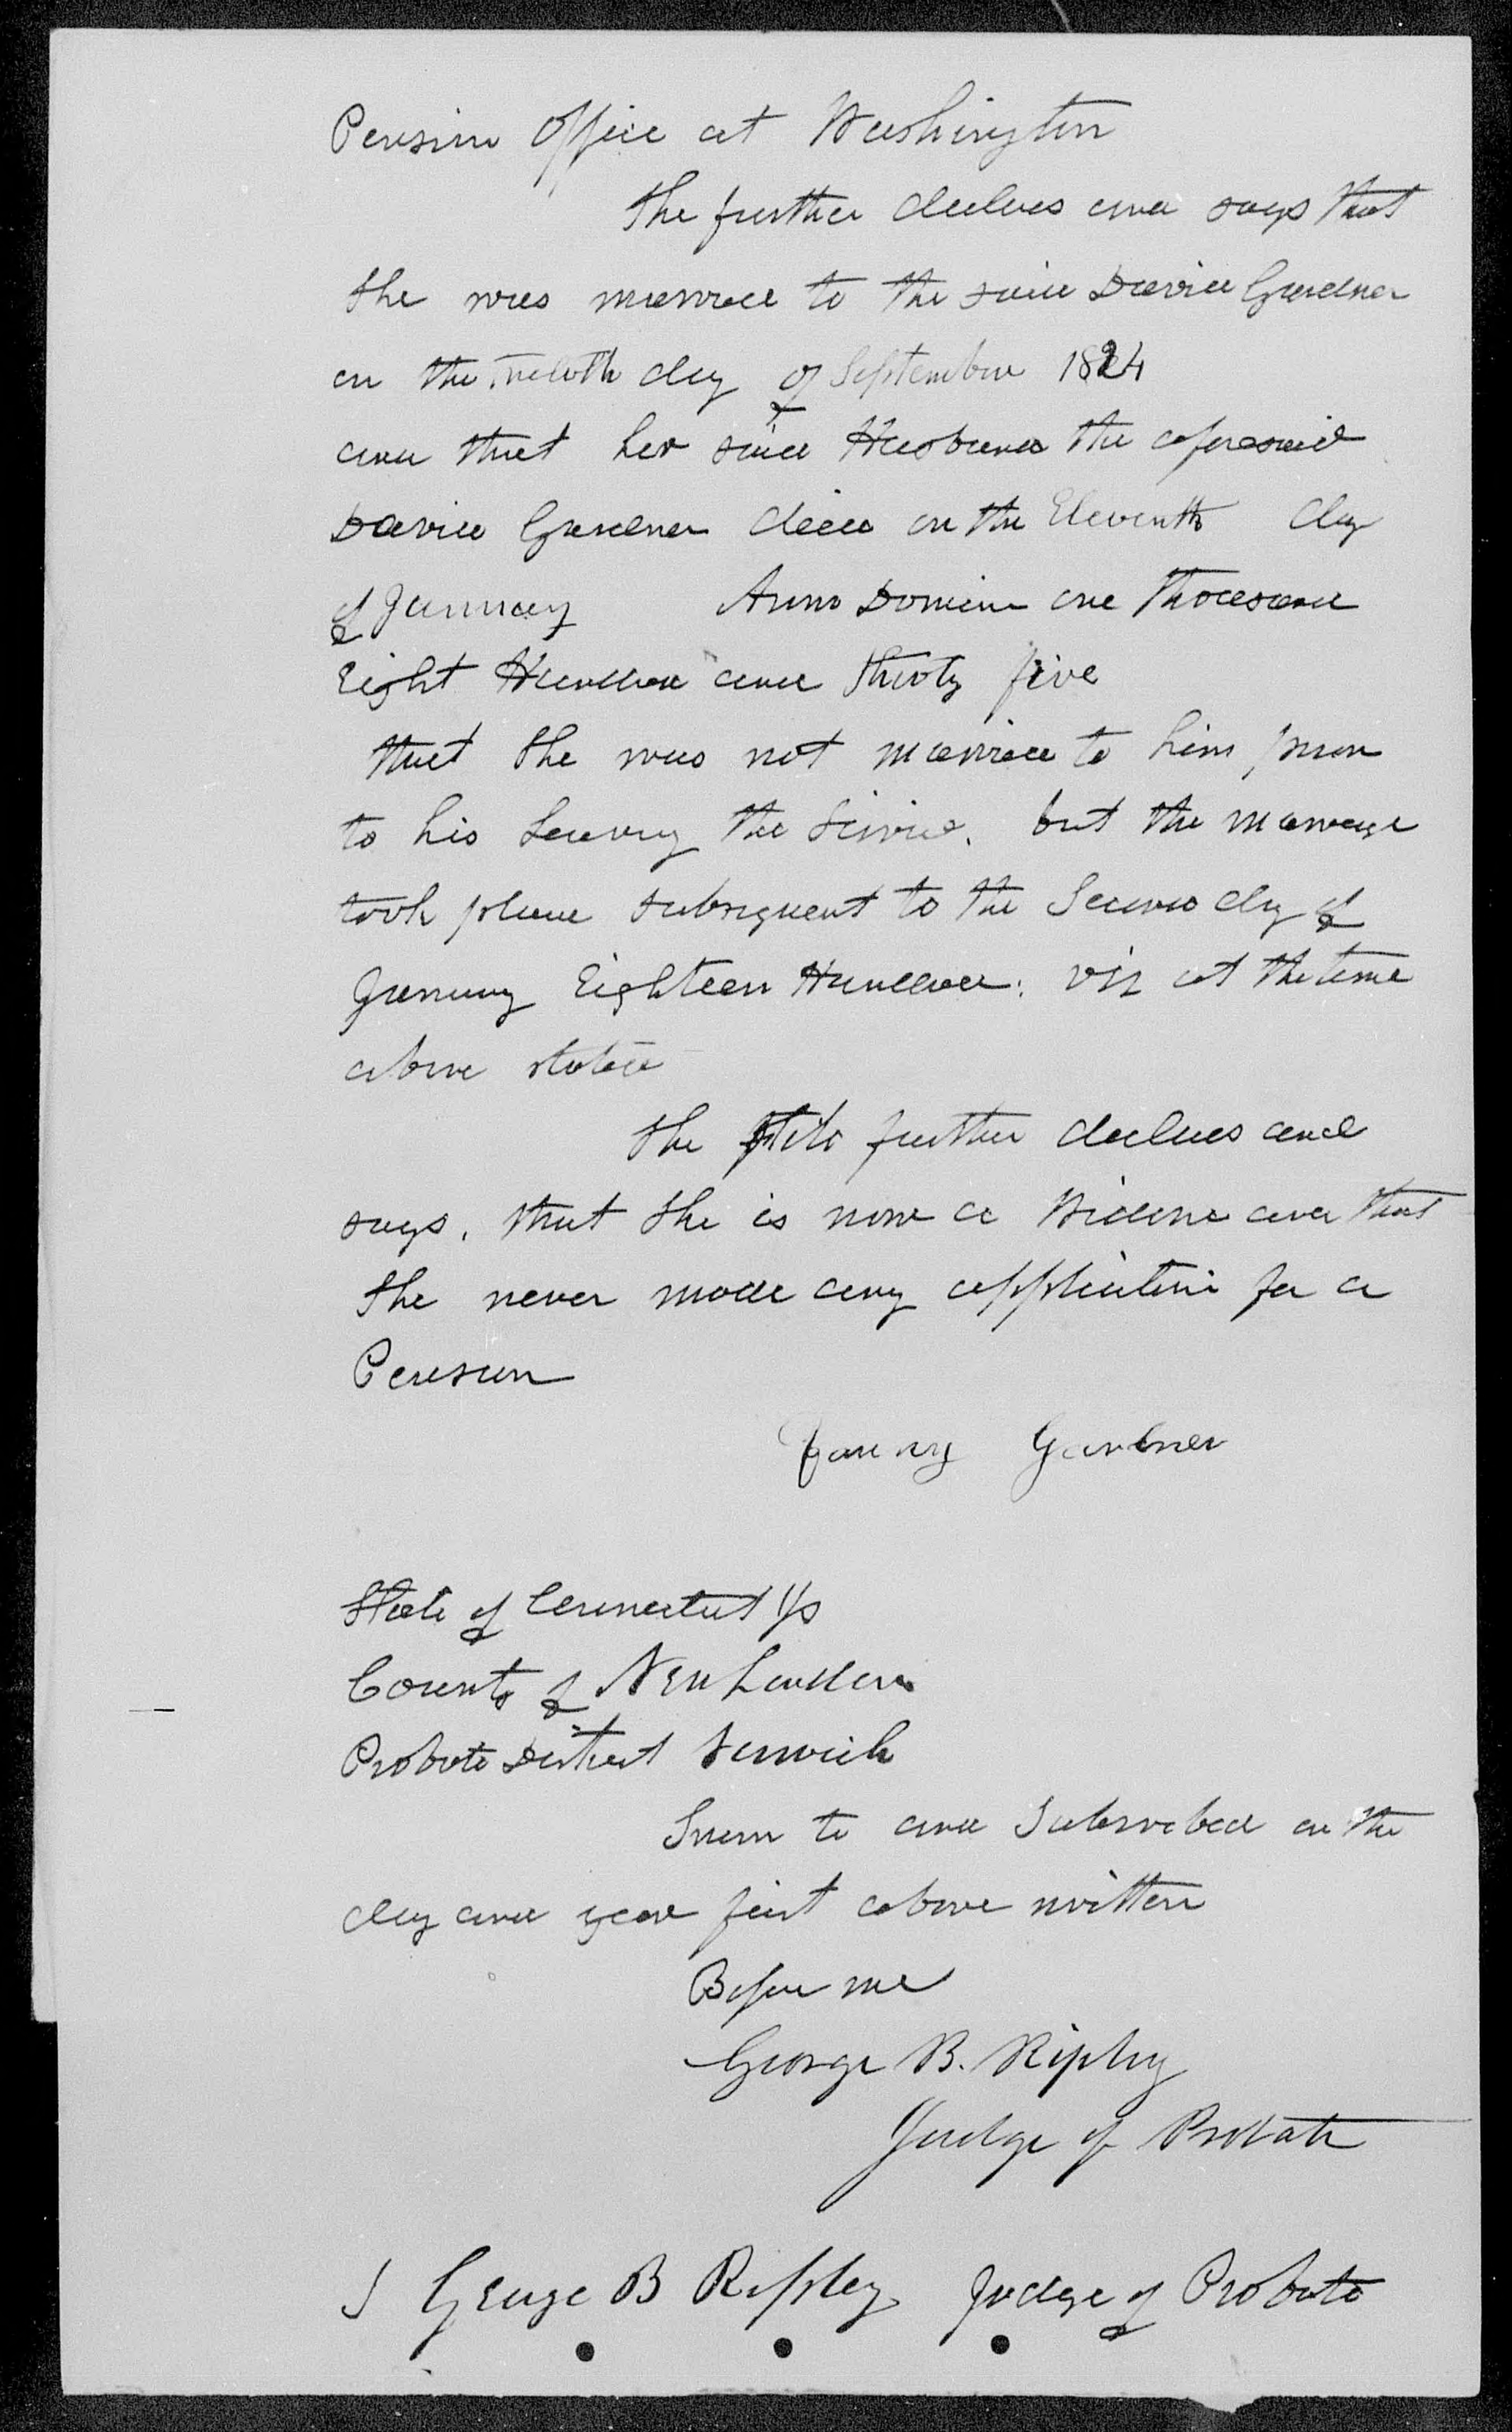Pension Office at Washington
She further declares and says that 
she was married to the fair David Gardner
on the twelfth day of September 1824
that her once husband the aforesaid
David Gardner died on the Eleventh day of January Anno Domini One Thousand 
Eight Hundred and thirty five
That she was not married to him prior 
to his leaving the service, but the marriage took place subsequent to the second day of 
January Eighteen Hundred: viz at the time
above stated.

She also further declares and 
says, that she is now a Widow and that
she never made any application for a pension

Fanny Gardner
State of Connecticut US
County of New London
Probate District Norwich

Sworn to and subscribed on the
day and year first above written

Before me
George B. Ripley
Judge of Probate


I George B Ripley Judge of Probate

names: George B Ripley, George B Ripley, David Gardner, David Gardner, Fanny Gardner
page: 18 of 66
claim: widow's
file: W 1850, David Gardner, Conn.